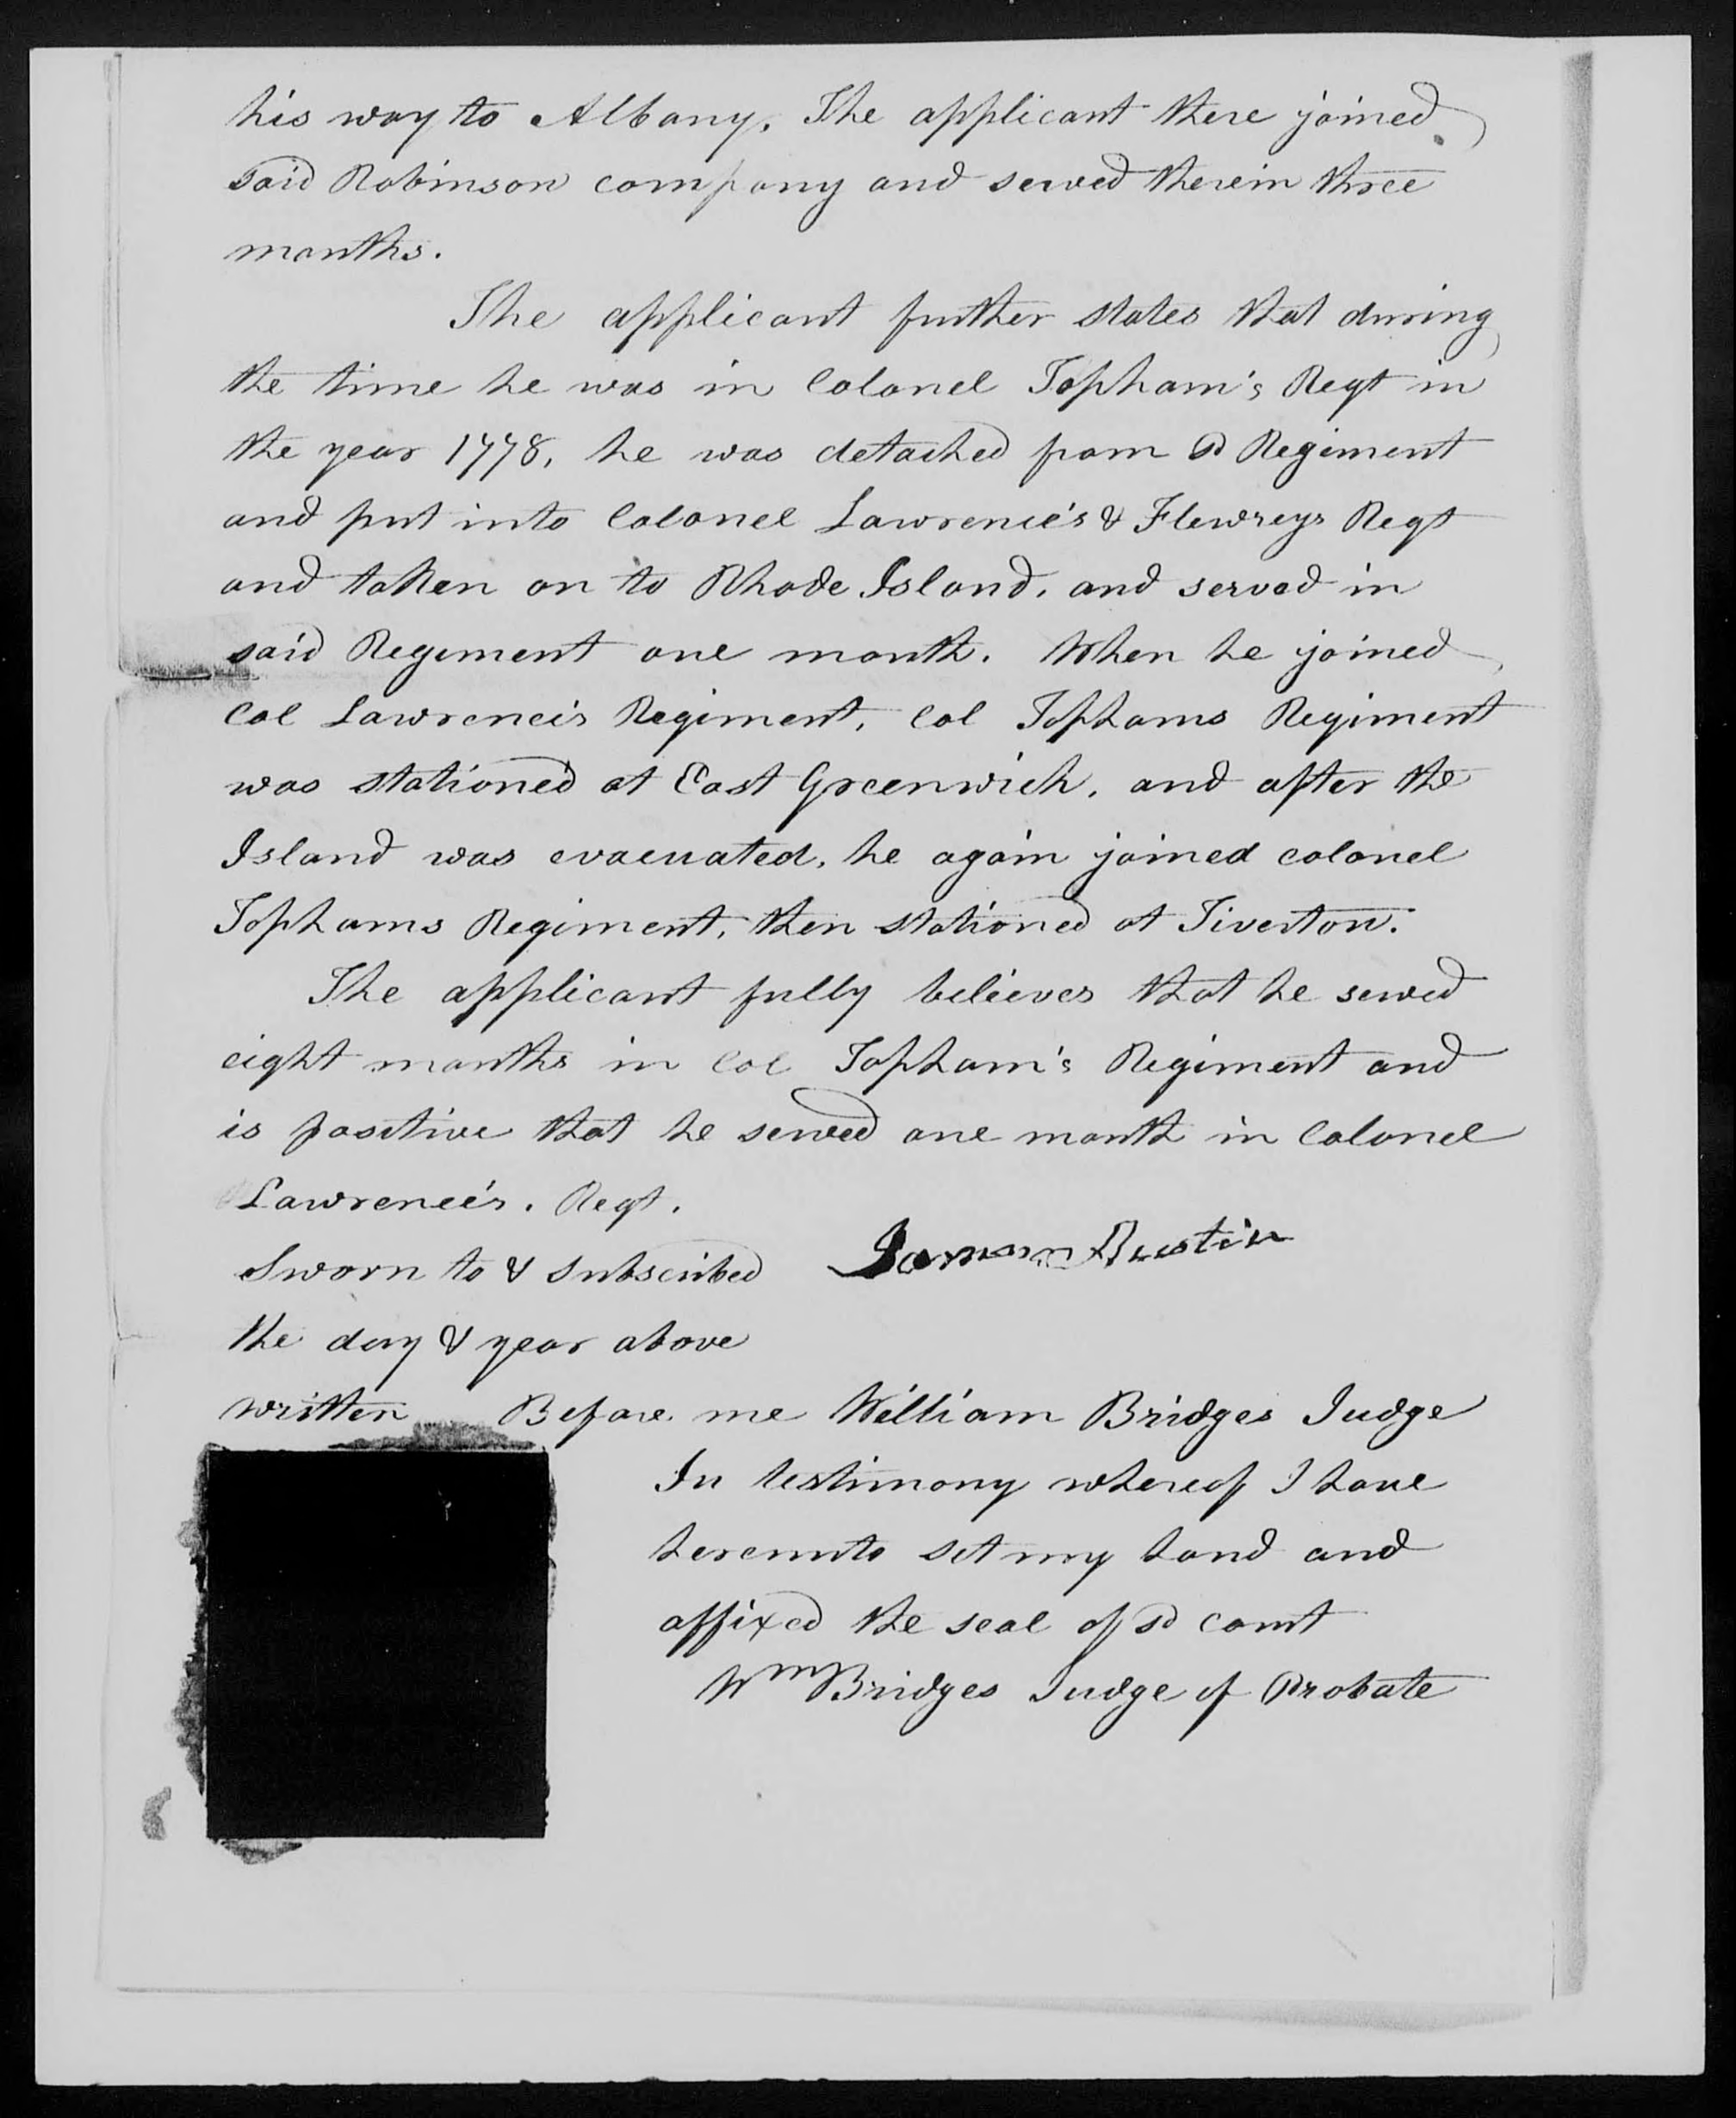his way to Albany, The applicant there joined said Robinson company and served therein three months.
The applicant further states that during the time he was in Colonel Topham's Regt. in the year 1778, he was detained from said Regiment and put into Colonel Lawrence's & Flewrey's Regt. and taken on to Rhode Island, and served in said Regiment one month. When he joined Col Lawrence's Regiment, Col Topham's Regiment was stationed in East Greenwich, and after the Island was evacuated, he again joined Colonel Tophams Regiment, the stationed at Tiverton.
The applicant fully believes that he served eight months in Topham's Regiment and is positive he served one month in Colonel Lawrence's regiment.
Sworn to & subscribed James Austin
this day & year above written before me William Bridges Judge in testimony whereof I have 
hereunto set my hand and affixed the seal of sd court
Wm Bridges Judge of Probate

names: William Bridges, Wm Bridges, James Austin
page: 29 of 100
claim: survivor's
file: S 19186, James Austin, Conn. New York R.I.